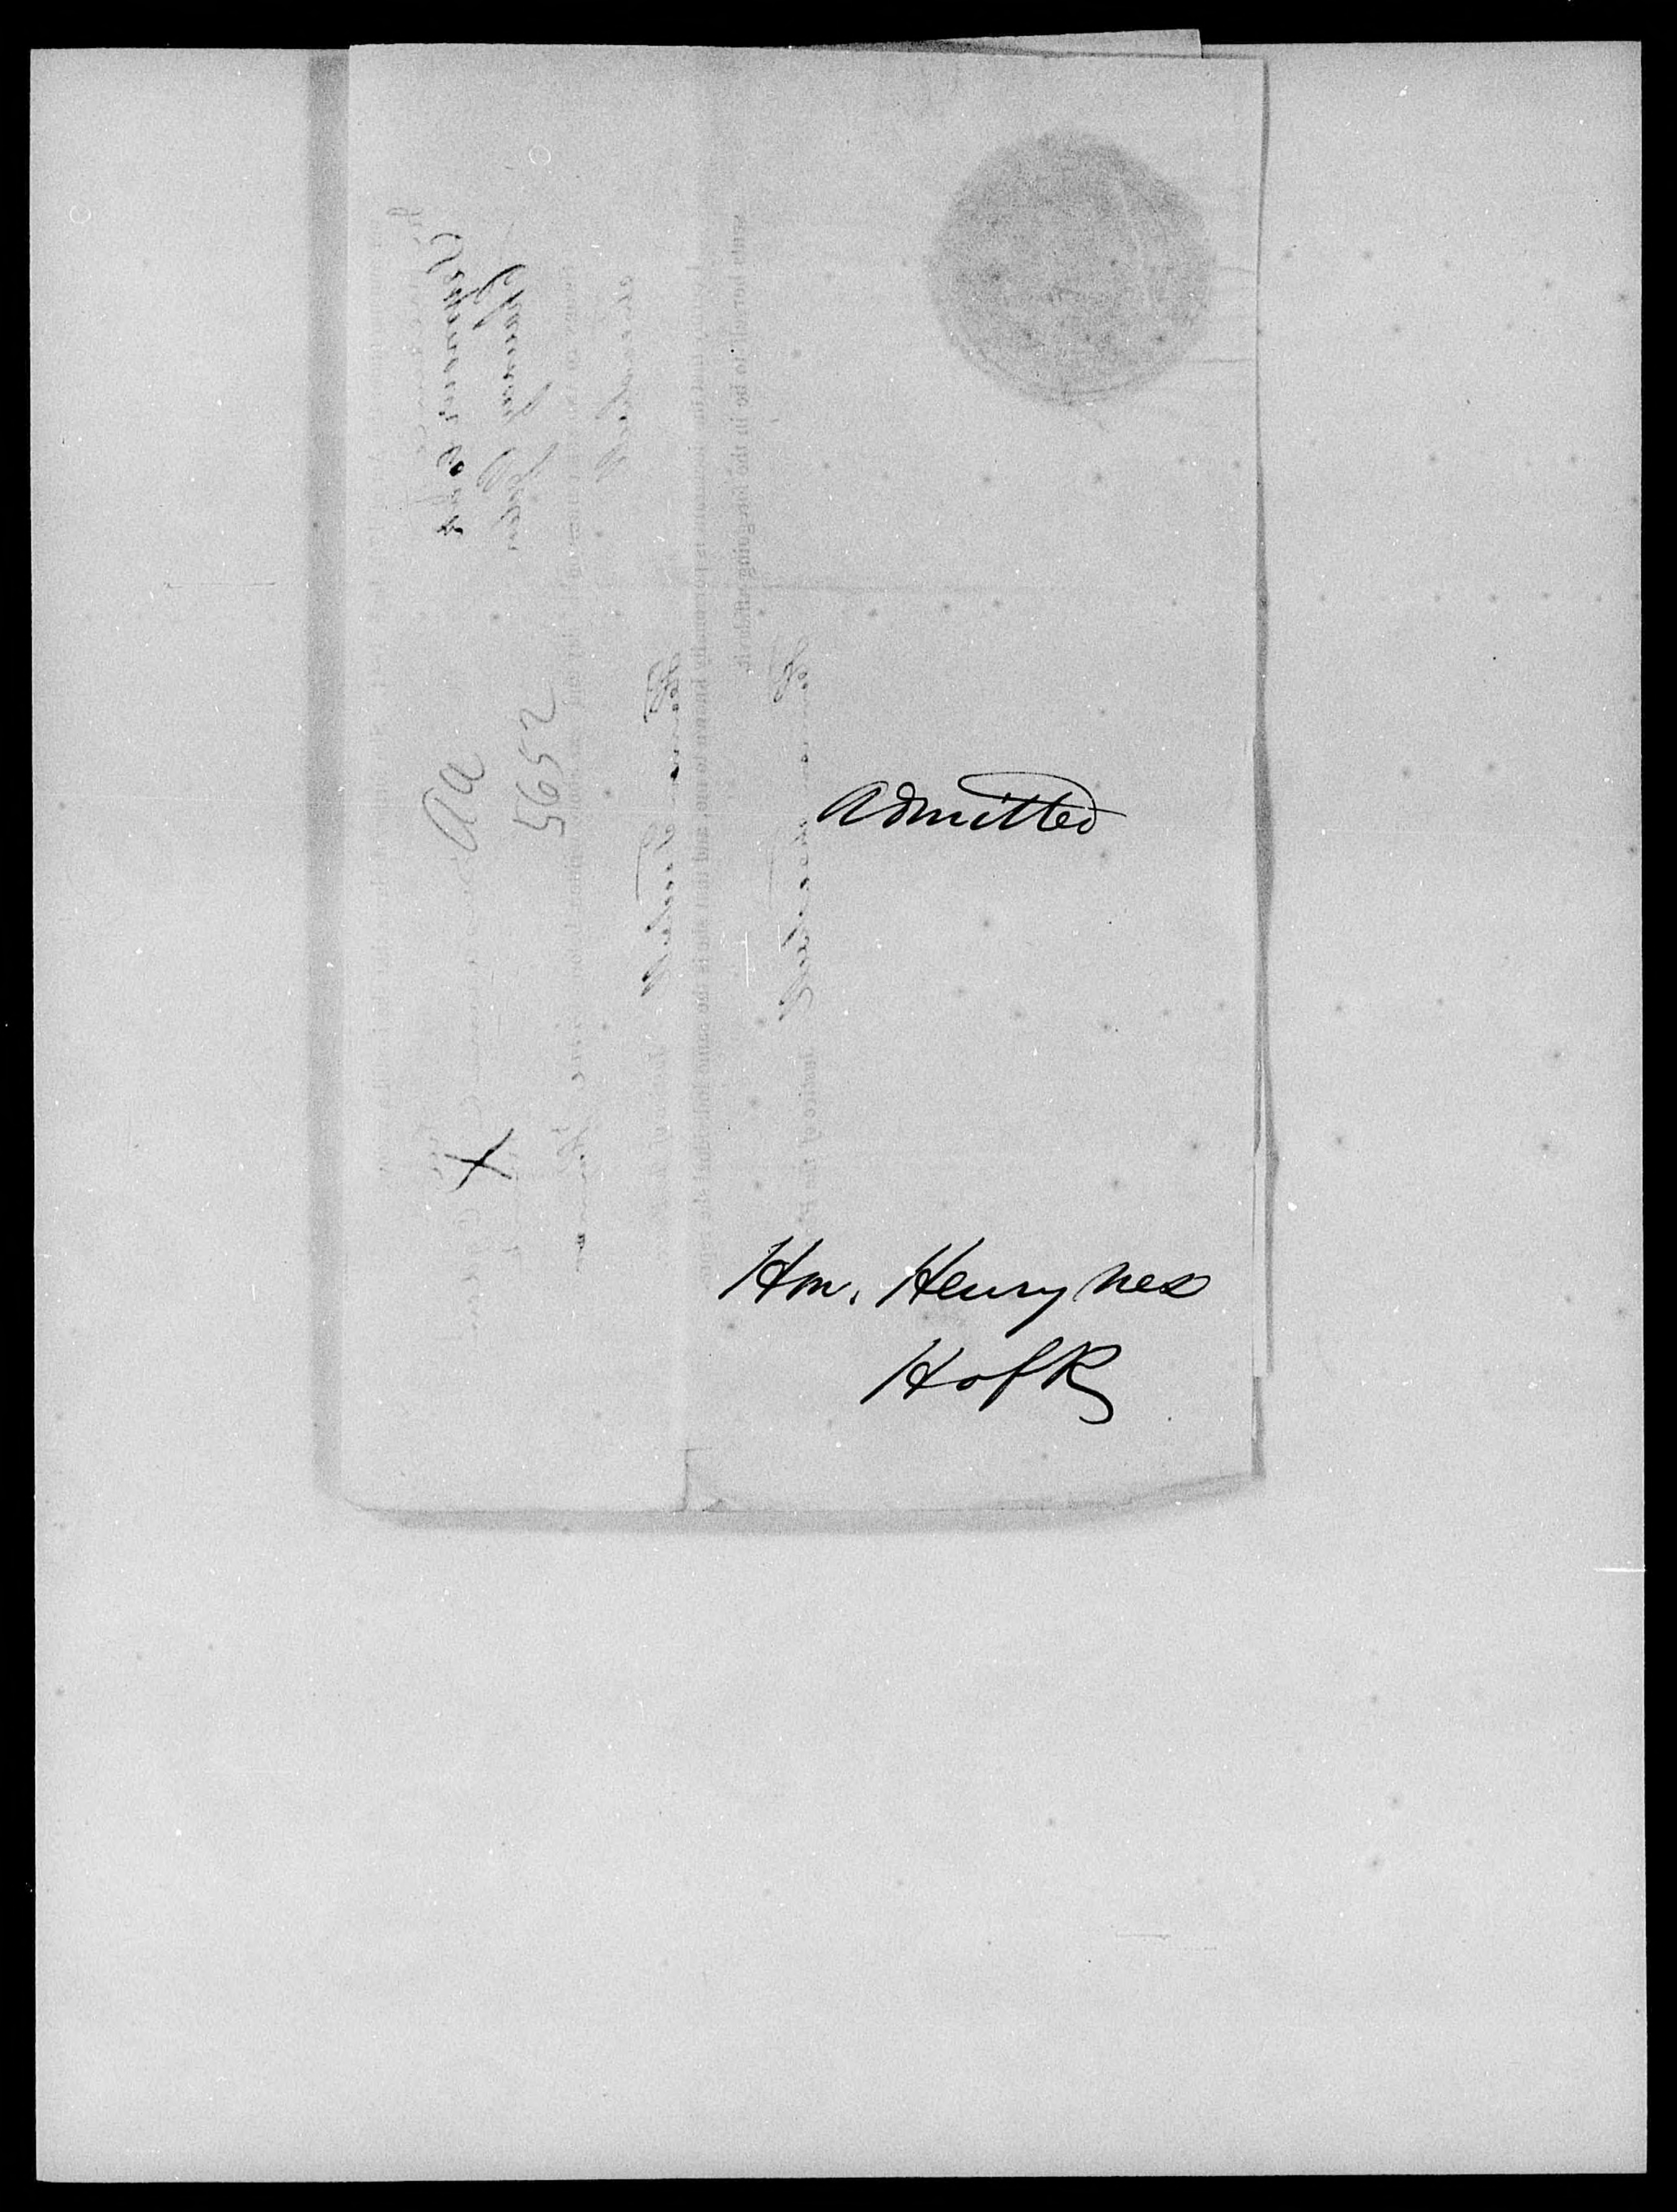[round seal]

Admitted
Hon. Henry Nes
H of R

[written sideways, on the left] X Aa 5652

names: Henry Nes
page: 29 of 40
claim: widow's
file: W. 24364, for David Ogden, New York